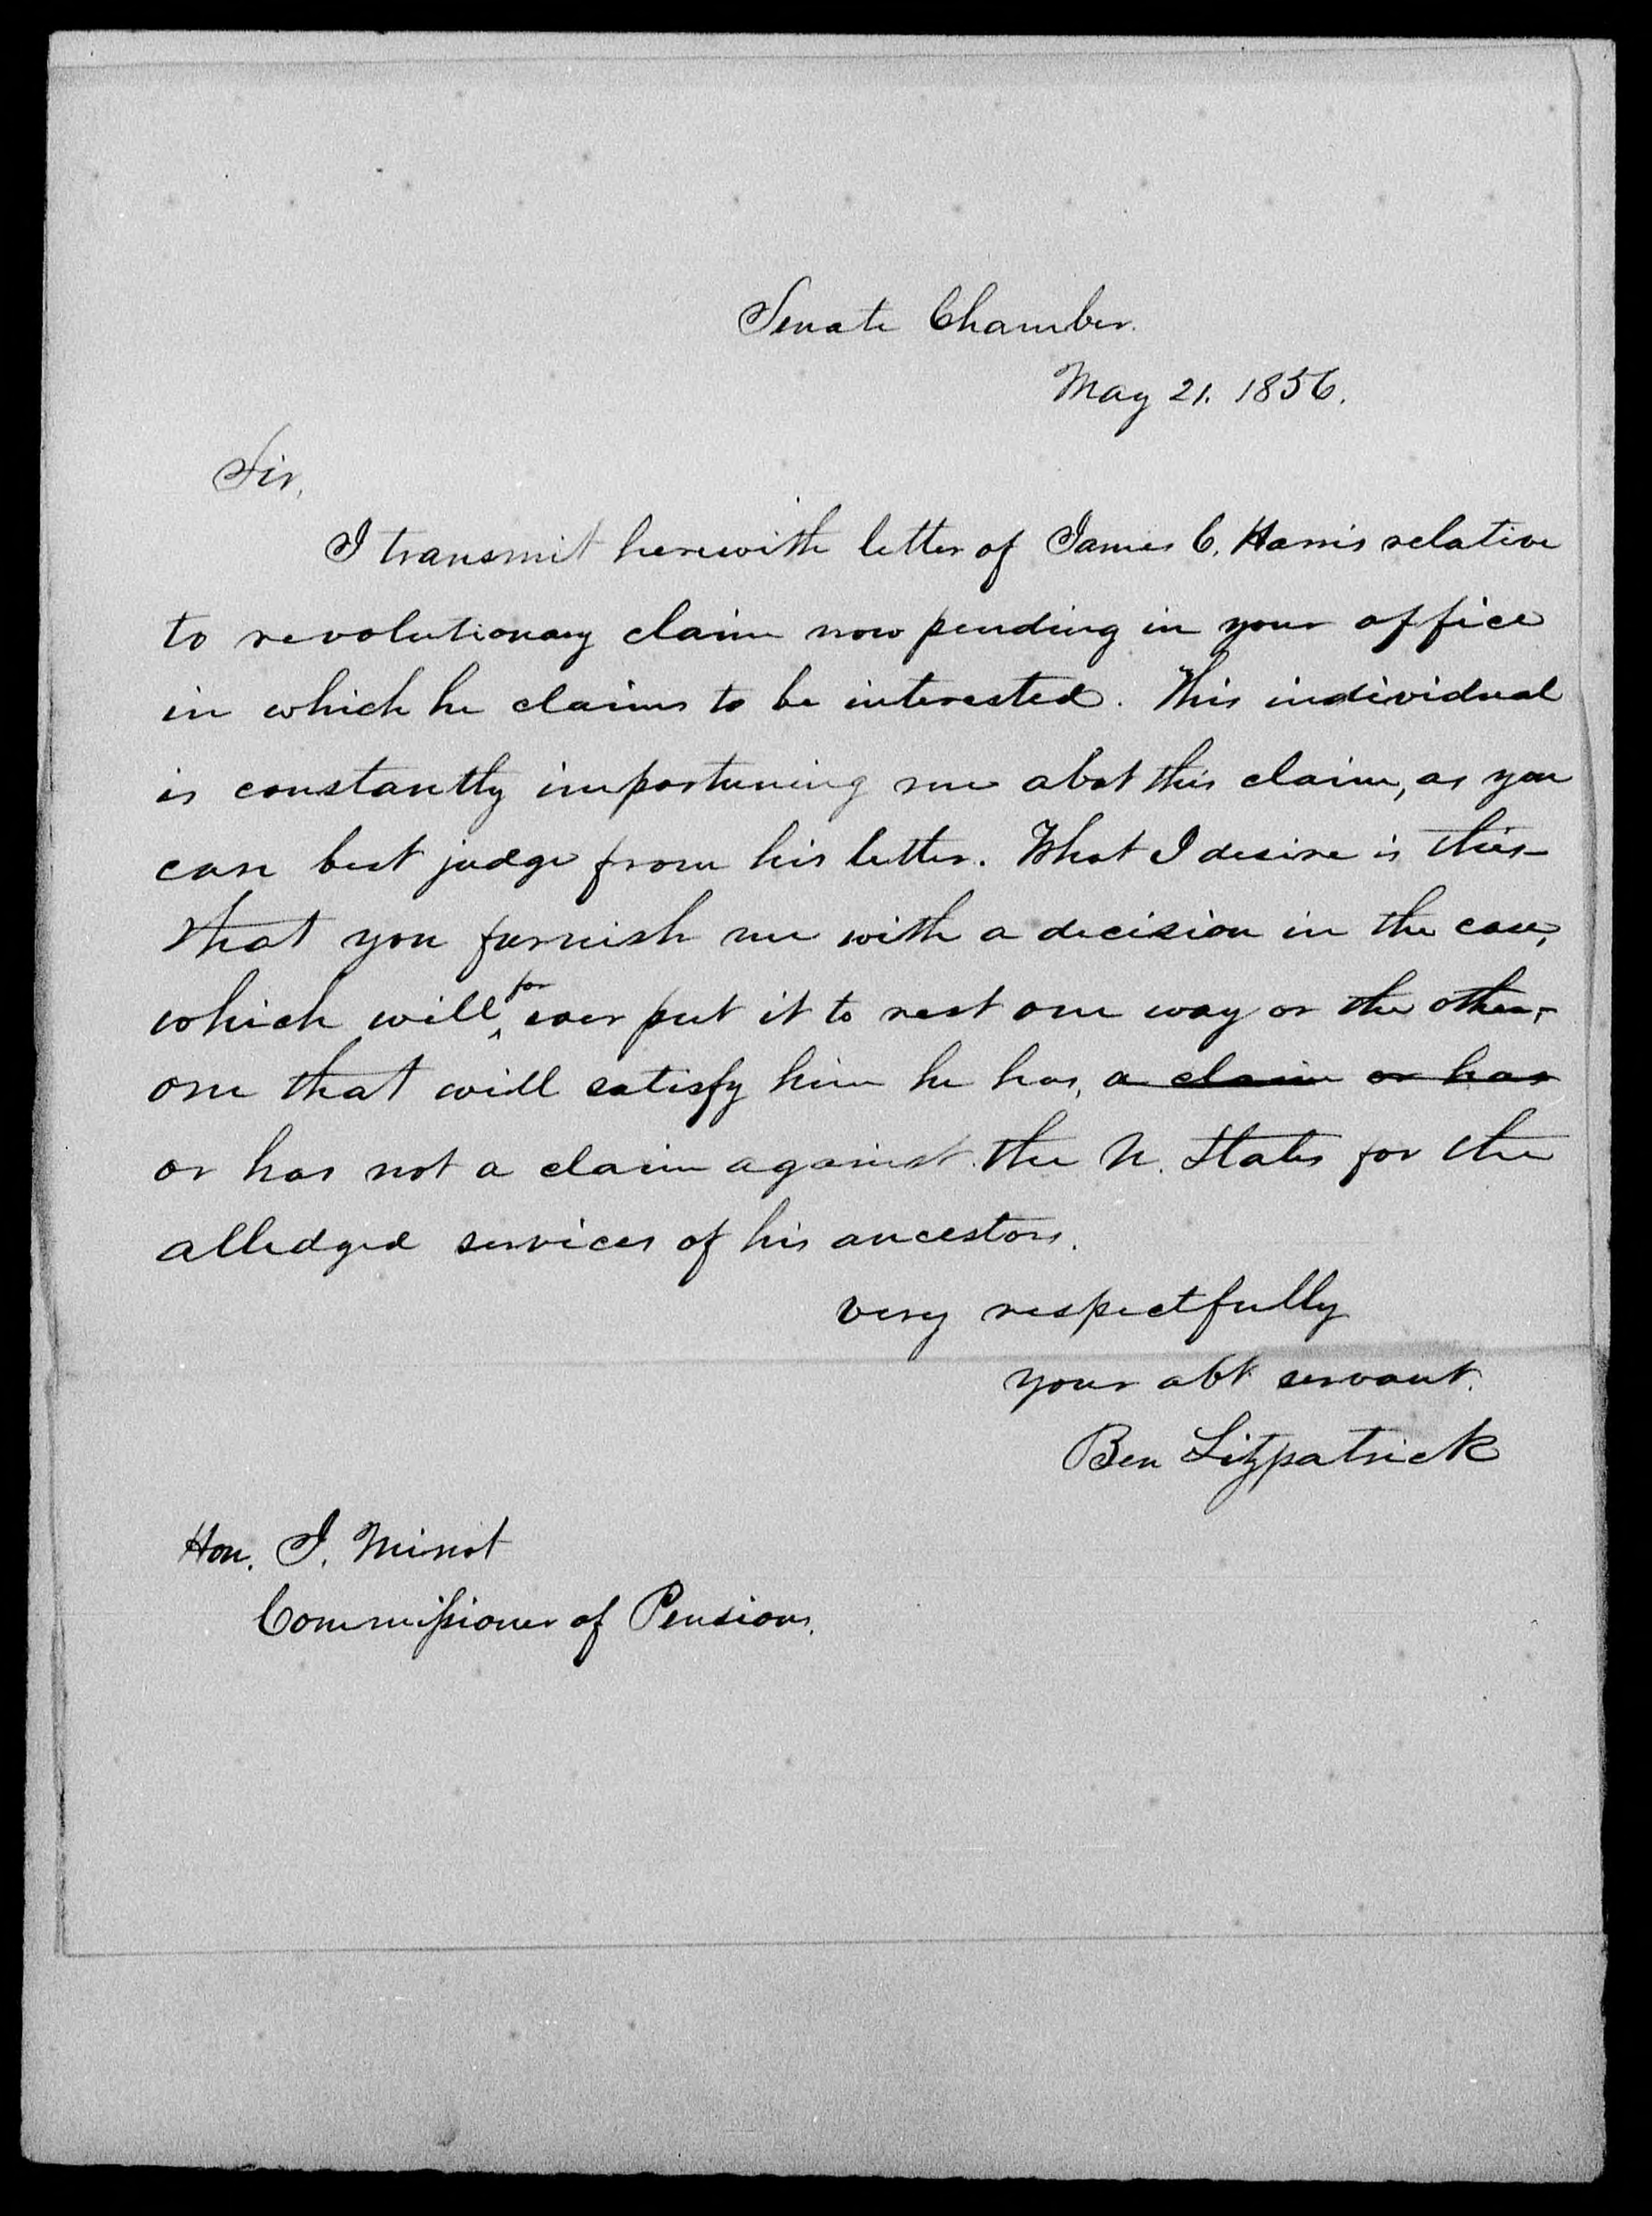Senate Chamber
May 21, 1856

Sir
I transmit herewith letters of James C. Harris relative to revolutionary claim now pending in your office in which he claims to be interested.  This individual is constantly importuning me about this claim, as you can best judge from his letters.  What I desire is this--that you furnish me with a decision in the case which will forever put it to rest one way of the other, one that will satisfy him he has  [marked out: a claim or has] or has not a claim against the U. States for the alledged [sic] services of his ancestors.
Very respectfully
Your obt servant
Ben Fitzpatrick

Hon. J. Minot
Commissioner of Pensions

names: Ben Fitzpatrick, James C Harris, J Minot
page: 47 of 160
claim: rejected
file: R. 4666, James Harris, Va.